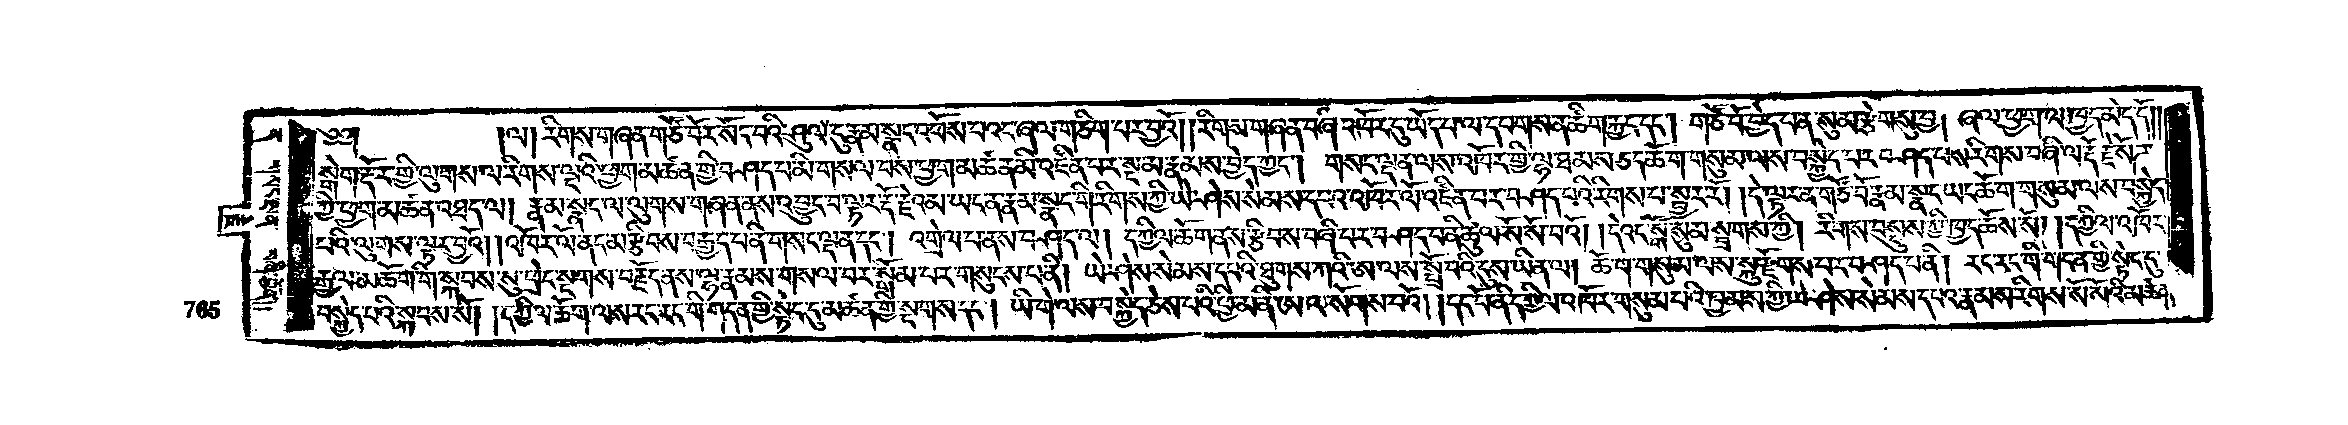༄༅། །ལ། རིགས་གཞན་གཙོ་བོར་སོང་བའི་ཤུལ་དུ་རྣམ་སྣང་འཕོས་བའང་ཞལ་གཅིག་པར་བྱའོ། །རིགས་གཞན་བཞི་འཁོར་དུ་ཡོད་པ་ལ་དཔགས་ན་ཚིག་རྐྱང་དང་། གཙོ་བོ་བྱེད་པ་ན་སུམ་རྩེགས་སུ་བྱ། ཞལ་ཕྱག་ལ་ཁྱད་མེད་དོ། །
སྒེག་རྡོར་གྱི་ལུགས་ལ་རིགས་ལྔའི་ཕྱག་མཚན་གྱི་བཤད་པ་མི་གསལ་བས་ཕྱག་མཚན་མི་འཛིན་པར་སྔ་མ་རྣམས་བྱེད་ཀྱང་། གསང་ལྡན་ལས་འཁོར་གྱི་ལྷ་ཐམས་ཅད་ཆོ་ག་གསུམ་ལས་བསྐྱེད་པར་བཤད་པས་རིགས་བཞི་ལ་རྡོ་རྗེ་སོགས་
ཀྱི་ཕྱག་མཚན་འཐད་ལ། རྣམ་སྣང་ལ་ལུགས་གཞན་ནས་འབྱུང་བ་ལྟར་རྡོ་རྗེའམ་ཡང་ན་རྣམ་སྣང་གི་རིགས་ཀྱི་ཡེ་ཤེས་སེམས་དཔའ་འཁོར་ལོ་འཛིན་པར་བཤད་པའི་རིགས་པ་སྦྱར་རོ། །དེ་ལྟར་ན་གཙོ་བོ་རྣམ་སྣང་ཡང་ཆོ་ག་གསུམ་ལས་བསྐྱེད་
པའི་ལུགས་ལྟར་བྱའོ། །འཁོར་ལོ་ནང་མ་རྩིབས་བརྒྱད་པ་ནི་གསང་ལྡན་དང་། འགྲེལ་པ་ནས་བཤད་ལ། དཀྱིལ་ཆོག་ནས་རྩིབས་བཞི་པར་བཤད་པ་ནི་ཚུལ་སོ་སོ་བའོ། །དེའང་སྒོ་སུམ་སྦྲགས་ཀྱི། རིགས་བསྡུས་ཀྱི་ཁྱད་ཆོས་སོ། །དཀྱིལ་འཁོར་
རྒྱལ་མཆོག་གི་སྐབས་སུ་ཕྲེང་སྔགས་བརྗོད་ནས་ལྷ་རྣམས་གསལ་བར་སྒོམ་པར་གསུངས་པ་ནི། ཡེ་ཤེས་སེམས་དཔའི་ཐུགས་ཀའི་ཨ་ལས་སྤྲོ་བའི་དུས་ཡིན་ལ། ཆོ་ག་གསུམ་ལས་སྐུ་རྫོགས་པར་བཤད་པ་ནི། རང་རང་གི་གདན་གྱི་སྟེང་དུ་
བསྐྱེད་པའི་སྐབས་སོ། །དཀྱིལ་ཆོག་ལས་རང་རང་གི་གདན་གྱི་སྟེང་དུ་མཚན་གྱི་སྔགས་དང་། ཡི་གེ་ལས་བསྐྱེད་ཅེས་པའི་ཕྱི་མ་ནི་ཨ་ལ་སོགས་པའོ། །དང་པོ་ནི་དཀྱིལ་འཁོར་གསུམ་པའི་ཁྱམས་ཀྱི་ཡེ་ཤེས་སེམས་དཔའ་རྣམས་རིགས་སོ་སོའི་མཚན་